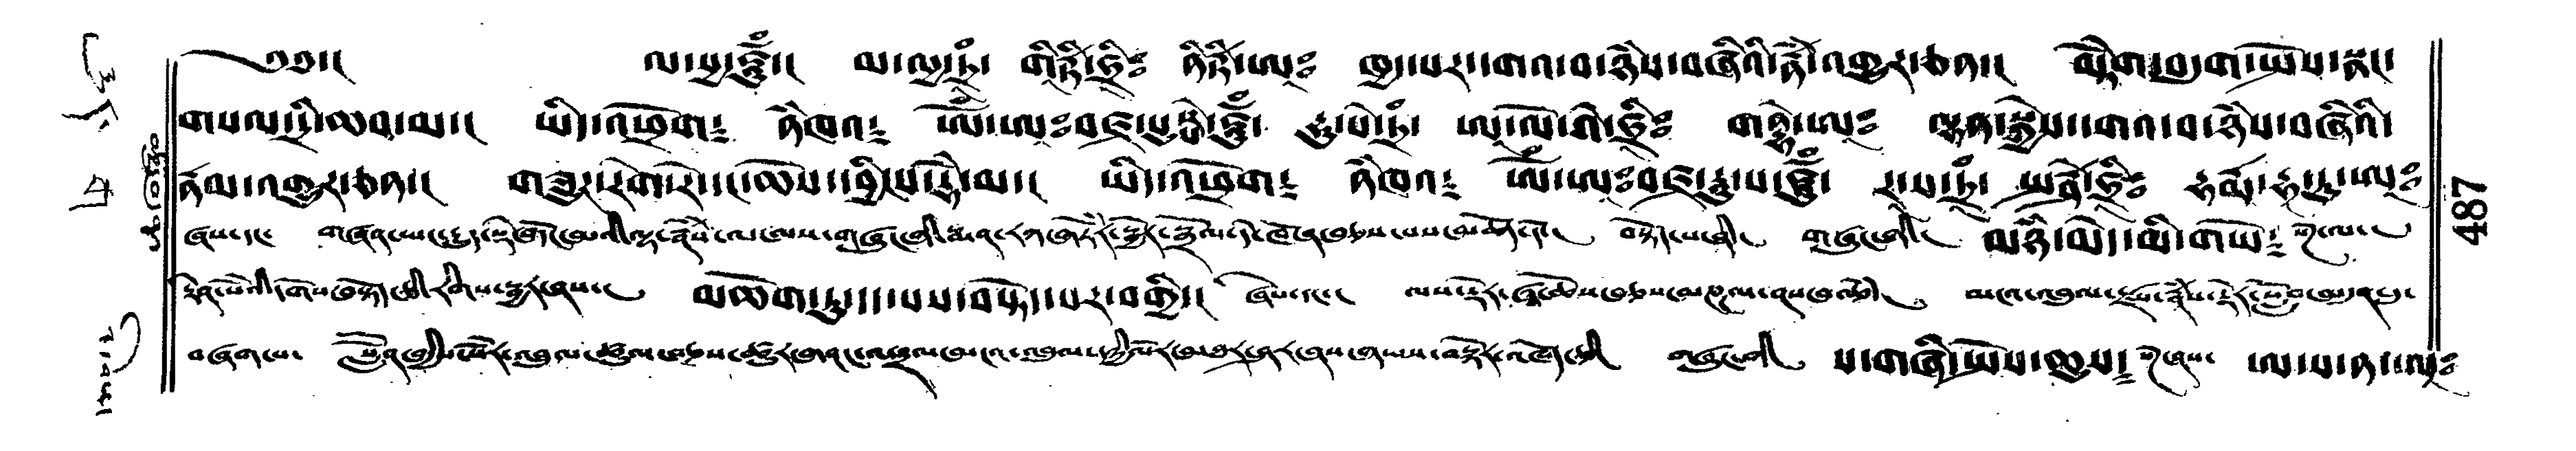ལ་སྱ་ཧཱུྃ། མ་ལྱ་ཏྲཱཾ། གཱིརྟི་ཧྲཱིཿ ནིརྟི་ཨཱཿ ཁྱད་པར་དགའ་བ་ཉམས་བཞིའི་རྣམ་འགྱུར་ཅན། །མེ་ཏོག་བདུག་སྤོས་སྣང་
གསལ་དྲི་ཆབ་མ། ཡིད་འཕྲོག༴ ནམ་མཁའ༴ ཨོཾ་ཨཱཿབཛྲ་པུཥྤེ་ཧཱུྃ། དྷུ་པེ་ཏྲཾ། ཨཱ་ལོ་ཀེ་ཧྲཱིཿ གནྡྷེ་ཨཱཿ ལྷན་སྐྱེས་དགའ་བ་ཉམས་བཞིའི་
རྣམ་འགྱུར་ཅན། །གཟུགས་རེག་རོ་དང་ཆོས་དབྱིངས་རྡོ་རྗེ་མ། །ཡིད་འཕྲོག༴ ནམ་མཁའ༴ ཨོཾ་ཨཱཿབཛྲ་རུ་པ་ཧཱུྃ། རཱ་ས་ཏྲཱཾ། སྤརྴེ་ཧྲཱིཿ དྷརྨ་དྷཱ་ཏུ་ཨཱཿ 
ཞེས་དང་། གཞན་ཡང་རྒྱུད་སྡེ་གོང་མའི་ལྷ་རྣམས་ལ་ལས་གཞུང་གི་སྨན་རཀ་གཏོར་མ་སྦྱོར་སྒྲོལ་དེ་ཁོ་ན་བཅས་པས་མཆོད་དོ། བསྟོད་པ་ནི། གཞུང་གི མཉམ་མེད་མི་གཡོ༴ སོགས་ལ། 
རྟེན་སོ་སོའི་དགོས་བསྟོད་ཅི་རིགས་སྦྱར་ནས། མཆོག་ཏུ་དད་པས་བསྟོད་པར་བགྱི། ཞེས་དང་། ལས་རྡོར་ཞྭ་ཆོས་བཅས་མཎྜལ་ནས་བརྩམ། མངའ་འབུལ་རྫས་རྣམས་རྡོར་སློབ་མདུན་དུ་
བཞག་པ། སློབ་དཔོན་གྱིས་སོ་སོར་འབུལ་ཚུལ་བཅས་ཚུར་གནང་འཕྲལ་མངའ་འབུལ་དཀྱིལ་འཁོར་མཐར་ཤར་ནས་གཡས་བསྐོར་འཁོད་ཅིང་། གཞུང་གི ས་གཞི་སྤོས་ཆུས༴ སོགས་ནས་ཨ་པ་ན་ཨཱཿ